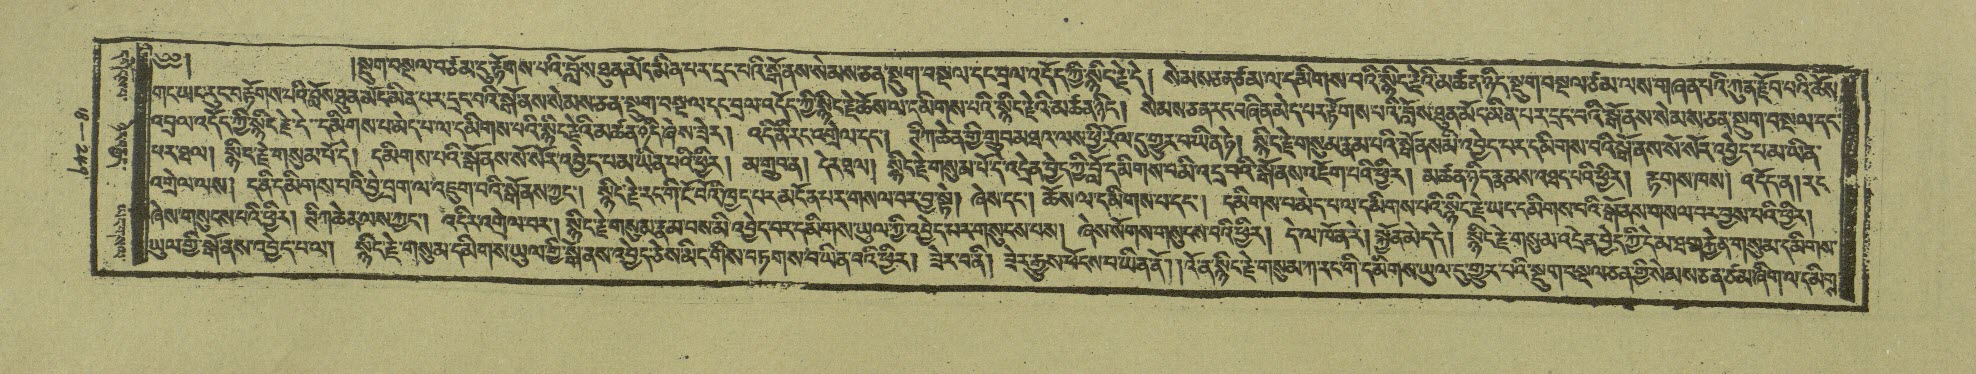༄༅། །སྡུག་བསྔལ་བ་ཙམ་དུ་རྟོགས་པའི་བློས་ཐུན་མོང་མིན་པར་དྲང་བའི་སྒོ་ནས་སེམས་ཅན་སྡུག་བསྔལ་དང་བྲལ་འདོད་ཀྱི་སྙིང་རྗེ་དེ། སེམས་ཅན་ཙམ་ལ་དམིགས་པའི་སྙིང་རྗེའི་མཚན་ཉིད་སྡུག་བསྔལ་ཙམ་ལས་གཞན་བའི་ཀུན་རྫོབ་པའི་ཆོས་
གང་ཡང་རུང་བ་རྟོགས་པའི་བློས་ཐུན་མང་མིན་པར་དྲང་བའི་སྒོ་ནས་སེམས་ཅན། སྡུག་བསྔལ་དང་བྲལ་འདོད་ཀྱི་སྙིང་རྗེ་ཆོས་ལ་དམིགས་པའི་སྙིང་རྗེའི་མཚན་ཉིད། སེམས་ཅན་རང་བཞིན་མེད་པར་རྟོགས་པའི་བློས་ཐུན་མོང་མིན་པར་དྲང་བའི་སྒོ་ནས་སེམས་ཅན་སྡུག་བསྔལ་དང་
འབྲལ་འདོད་ཀྱི་སྙིང་རྗེ་དེ་དམིགས་པ་མེད་པ་ལ་དམིགས་པའི་སྙིང་རྗེའི་མཚན་ཉིད་ཞེས་ཟེར། འདི་ནི་རང་འགྲེལ་དང་། ཊིཀ་ཆེན་གྱི་གྲུབ་མཐའ་ལས་ཕྱི་རོལ་དུ་གྱུར་པ་ཡིན་ཏེ། སྙིང་རྗེ་གསུམ་རྣམ་པའི་སྒོ་ནས་མི་འབྱེད་པར་དམིགས་པའི་སྒོ་ནས་སོ་སོར་འབྱེད་པ་མ་ཡིན་
པར་ཐལ། སྙིང་རྗེ་གསུམ་པོ་དེ། དམིགས་པའི་སྒོ་ནས་སོ་སོར་འབྱེད་པ་མ་ཡིན་པའི་ཕྱིར། མ་གྲུབ་ན། དེར་ཐལ། སྙིང་རྗེ་གསུམ་པོ་དེ་འདྲེན་བྱེད་ཀྱི་བློ་དམིགས་པ་མི་འདྲ་བའི་སྒོ་ནས་འཇོག་པའི་ཕྱིར། མཚན་ཉིད་རྣམས་འཐད་པའི་ཕྱིར། རྟགས་ཁས། འདོད་ན། རང་
འགྲེལ་ལས། ད་ནི་དམིགས་པའི་བྱེ་བྲག་ལ་འཇུག་པའི་སྒོ་ནས་ཀྱང་། སྙིང་རྗེ་རང་གི་ངོ་བོའི་ཁྱད་པར་མངོན་པར་གསལ་བར་བྱ་སྟེ། ཞེས་དང་། ཆོས་ལ་དམིགས་པ་དང་། དམིགས་པ་མེད་པ་ལ་དམིགས་པའི་སྙིང་རྗེ་ཡང་དམིགས་པའི་སྒོ་ནས་གསལ་བར་བྱས་པའི་ཕྱིར།
ཞེས་གསུངས་པའི་ཕྱིར། ཊིཀ་ཆེན་ལས་ཀྱང་། འདིར་འགྲེལ་པར། སྙིང་རྗེ་གསུམ་རྣམ་པས་མི་འབྱེད་པར་དམིགས་ཡུལ་གྱི་འབྱེད་པར་གསུངས་པས། ཞེས་སོགས་གསུངས་པའི་ཕྱིར། དེ་ལ་ཁོ་ན་རེ། སྐྱོན་མེད་དེ། སྙིང་རྗེ་གསུམ་འདྲེན་བྱེད་ཀྱི་ངེ་མ་ཐག་རྐྱེན་གསུམ་དམིགས་
ཡུལ་གྱི་སྒོ་ནས་འབྱེད་པ་ལ། སྙིང་རྗེ་གསུམ་དམིགས་ཡུལ་གྱི་སྒོ་ནས་འབྱེད་ཅེས་མིང་གིས་བཏགས་པ་ཡིན་པའི་ཕྱིར། ཟེར་བ་ནི། ཟེར་རྒྱུས་ཕོངས་པ་ཡིན་ནོ། འོ་ན་སྙིང་རྗེ་གསུམ་ཀ་རང་གི་དམིགས་ཡུལ་དུ་གྱུར་པའི་སྡུག་བསྔལ་ཅན་གྱི་སེམས་ཅན་ཙམ་ཞིག་ལ་དམིགས་